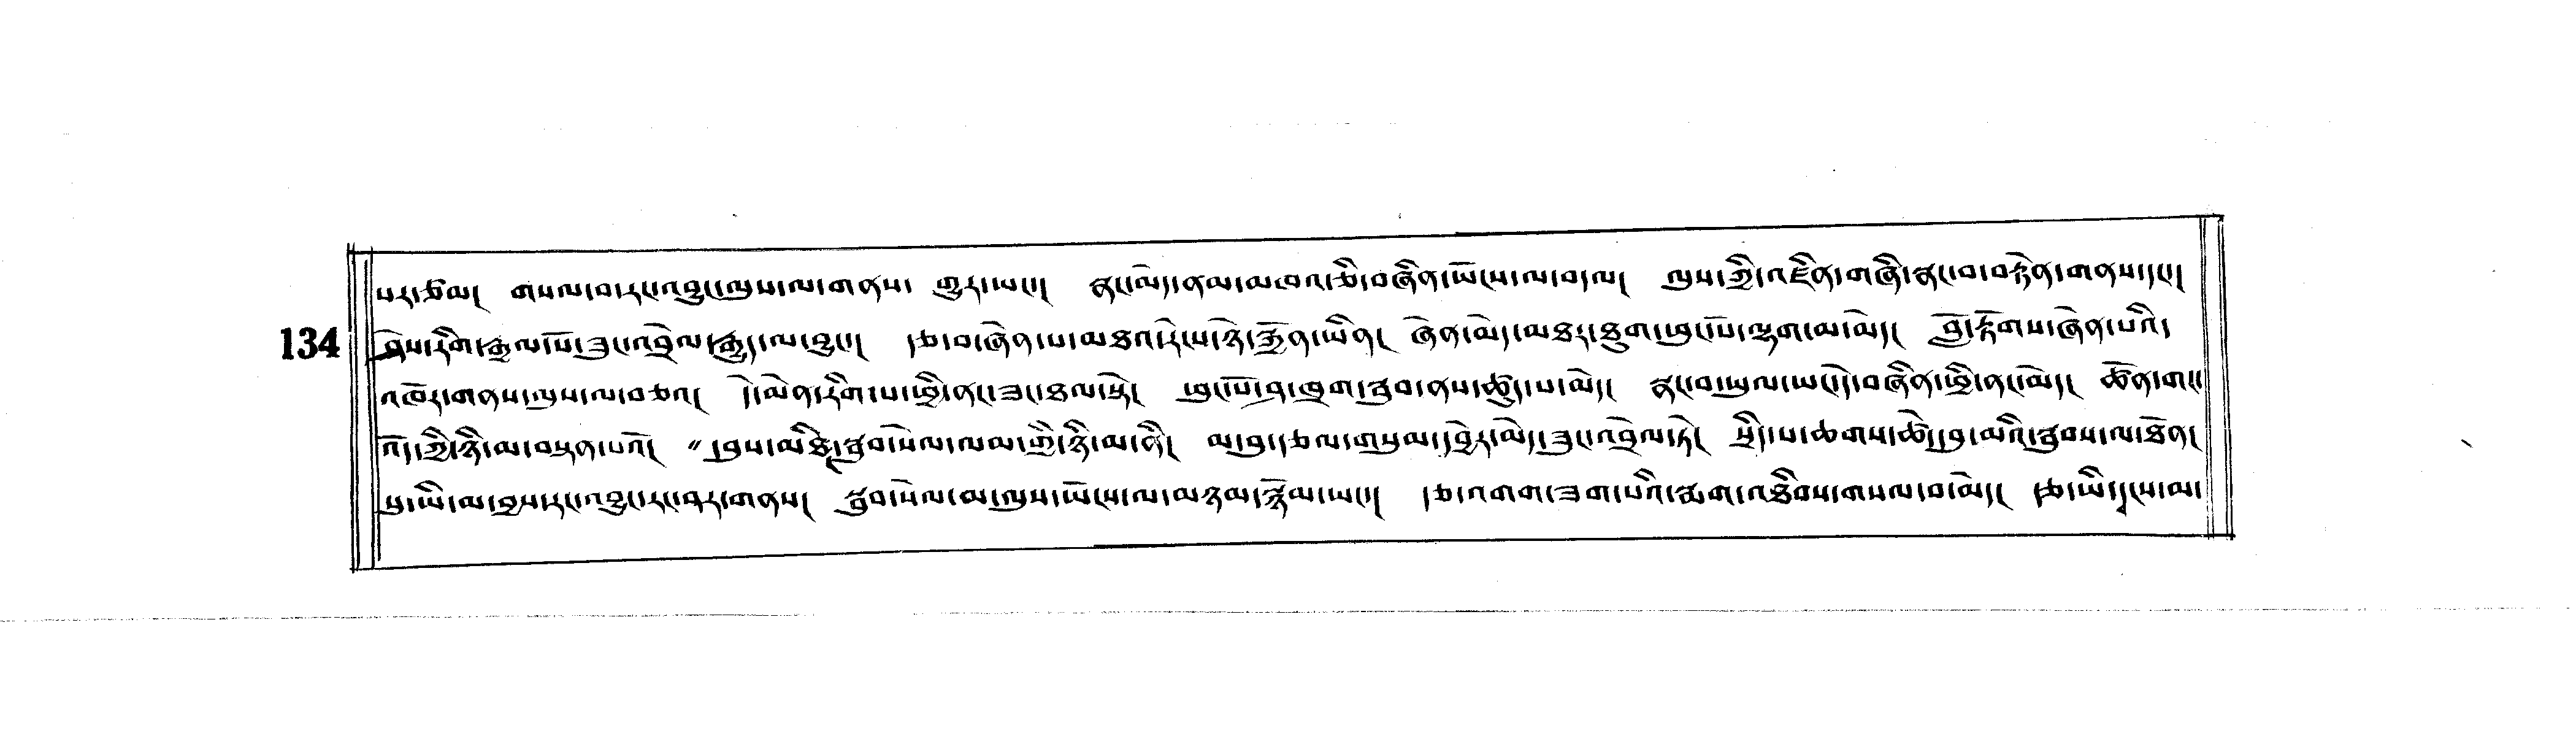པར་ཙམ། གསལ་བ་རང་འབྱུང་ལུས་ལ་གནས་གྱུར་ཡང་། སྣང་མེད་ནམ་མཁའ་ཅི་བཞིན་ཡོངས་ལ་བདལ། ལུས་ཀྱི་འཛིན་གཞི་སྣང་བ་རྟེན་གནས་དང་། 
ཤེས་རིག་རྒྱལ་པོ་ཟུང་འབྲེལ་རྒྱུད་ལ་བྱུང་། རྩ་བ་ཞེན་པ་མཐའ་རེངས་ཉེ་སྐྱོན་ཡིན། ཞེན་མེད་མཐར་ཐུག་ཕུང་པོ་ལྷག་མ་མེད། བློ་རྟོག་ཞེན་པའི་
འཁོར་གནས་ལུས་ལ་བཅའ། དེ་མིན་རིག་པ་ཕྱི་ནང་ཟང་ཐལ་ཏེ། ཕུང་པོ་ཤ་ཁྲག་སྦུབས་ནས་ཚུད་པ་མེད། སྣང་བ་ཡུལ་ཡང་དེ་བཞིན་ཕྱི་ནང་མེད། ཚོན་གང་
འོད་ཀྱི་ཉི་མ་བསྟན་པའོ། དབུས་མཐིང་སྦུབས་སེལ་ལམ་གྱི་ཉི་མ་ནི། མ་བུ་རྩལ་གསུམ་དབྱེར་མེད་ཟུང་འབྲེལ་ཏེ། སྲིད་པ་ཆགས་ཚེ་དབུ་མའི་སྦུབས་ལ་ཐོན། 
སུ་ཡིས་མ་བྱས་རང་འབྱུང་རང་ཤར་གནས། སྦུབས་སེལ་མ་ལུས་ཡོངས་ལ་མཉམ་སྙོམས་ཡང་། རྩ་འགག་ཟག་པའི་སྨག་འཐིབས་གསལ་བ་མེད། རྩ་ཡི་དྭངས་མ་